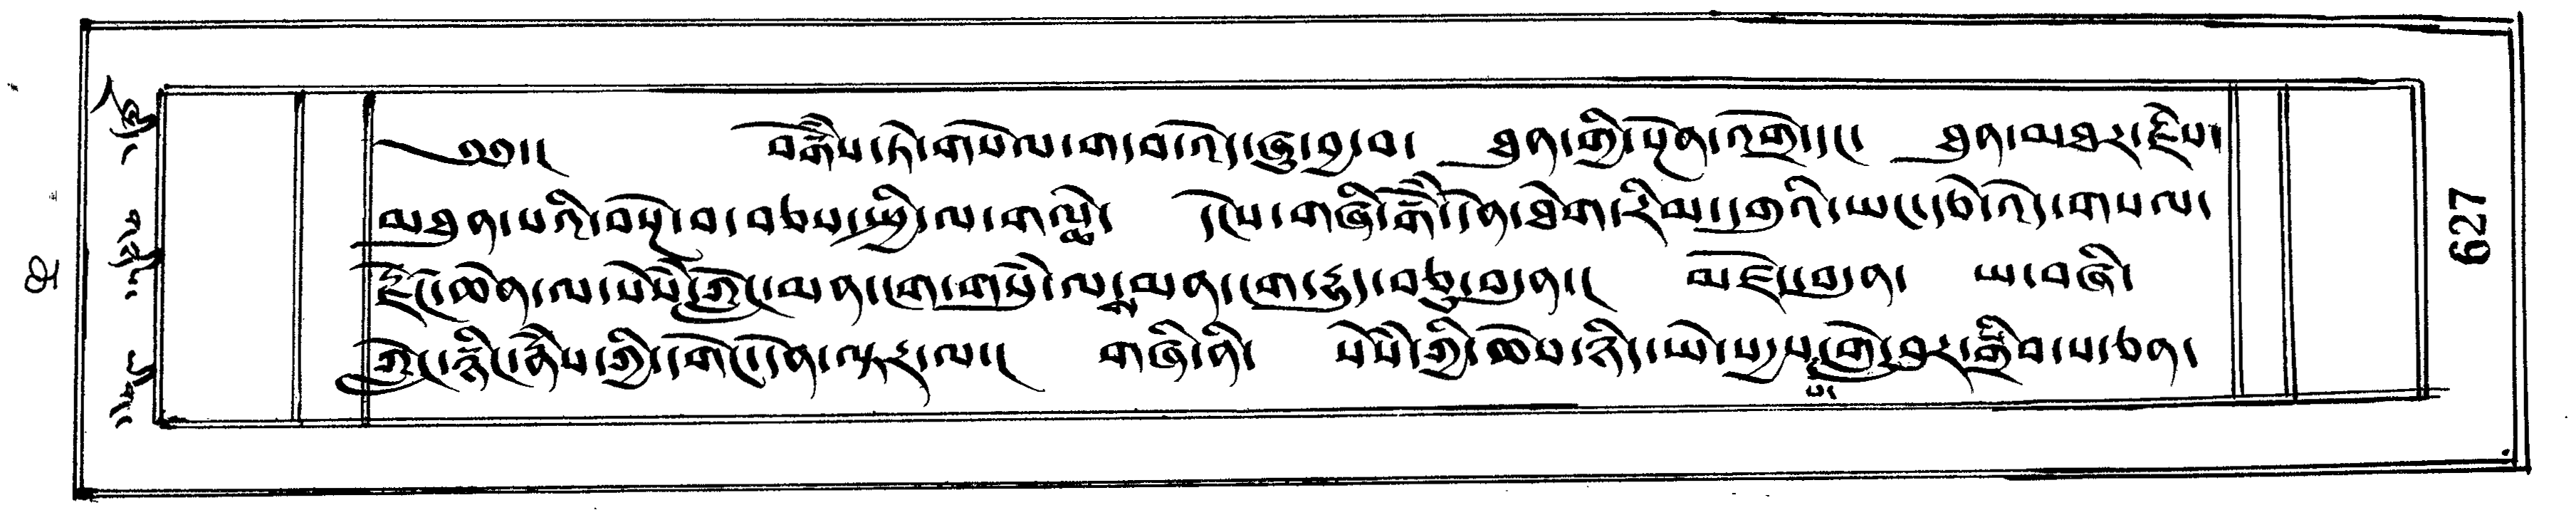སྒོམ་སྟེ་གསོལ་གདབ་འོད་ཞུ་བྱ་བ། ཐུན་གྱི་སྔོན་འགྲོ་དང་། ཐུན་མཐར་རྗེས་
མཐུན་པའི་བསྔོ་བ་བཅས་སྤྱི་ལ་གལ་ཆེ། དངོས་གཞི་སྒོམ་དོན་ཐེག་རིམ་དགུའི་ཡང་རྩེ་འོད་གསལ་
རྫོགས་ཆེན་ལ། སེམས་ཀློང་མན་ངག་གསུམ་ལས་མན་ངག་རྒྱུད་བཅུ་བདུན། མཛོད་བདུན། ཡ་བཞི་
ཀློང་སྙིང་རྣམས་ཀྱི་དགོངས་དོན་ལྟར་ལ། གཞི་ནི། སེམས་ཀྱི་ཆོས་ཉིད་ཡེ་སངས་རྒྱས་པ་གློ་བུར་སྒྲིབ་པ་ཅན་